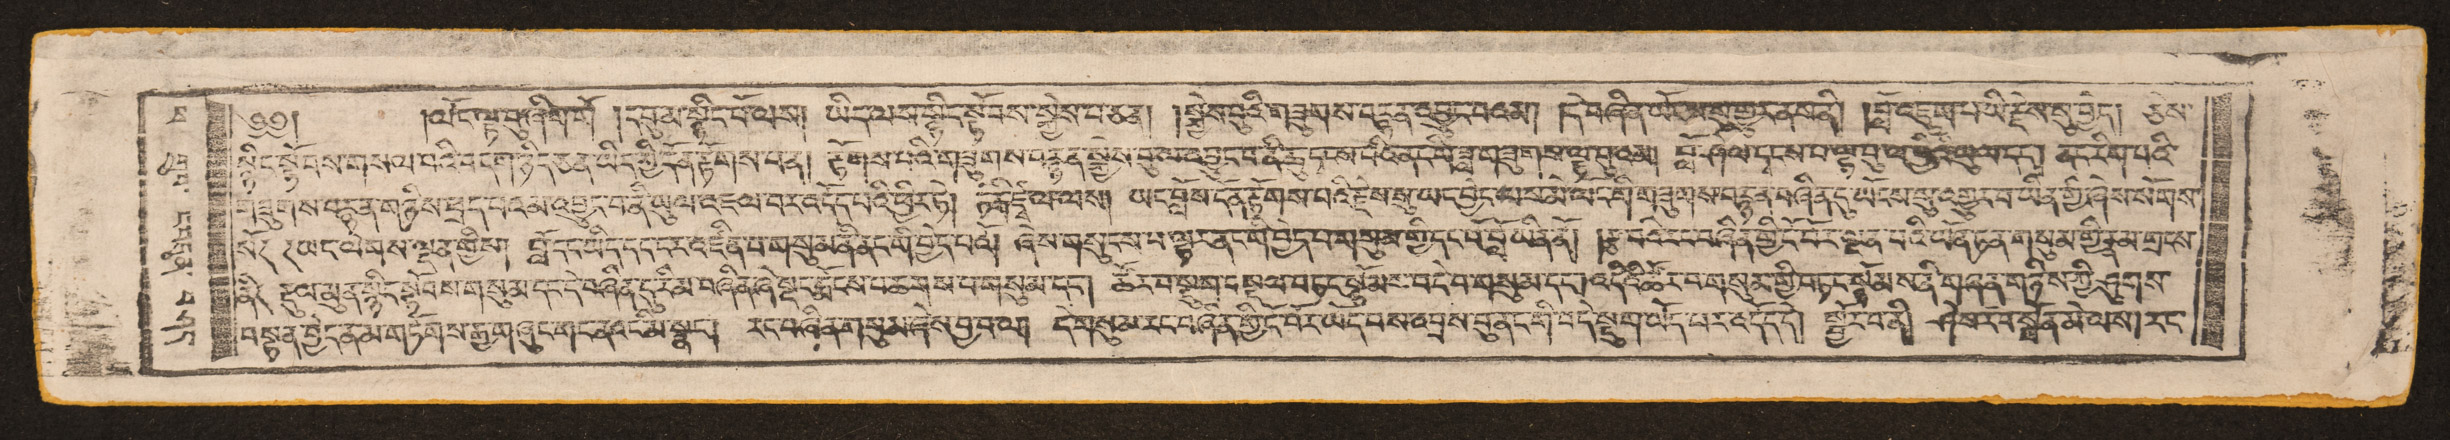༄༅། །ལོང་ལྟ་བུ་ཞིག་གོ །དབུ་མ་སྙིང་པོ་ལས། ཡིད་ལས་སྙིང་སྟོབས་སྐྱེས་པ་ཅན། །སྐྱེས་བུའི་གཟུགས་བརྙན་འབྱུང་བའམ། །དེ་བཞིན་ཡོངས་སུ་གྱུར་ནས་ནི། །བློ་འཇུག་བ་ཡི་རྗེས་སུ་བྱེད། ཅེས་
སྙིང་སྟོབས་གསལ་བའི་བདག་ཉིད་ཅན་ཡིད་ཀྱི་དོན་རྟོགས་པ་ན། རྟོགས་པའི་གཟུགས་བརྙན་སྐྱེས་བུ་ལ་འབྱུང་བ་ནི་ཆུ་དྭངས་པའི་ནང་གི་ཟླ་གཟུགས་ལྟ་བུའམ། བློ་ཤེལ་དྭངས་པ་ལྟ་བུ་ལ་ཕྱིའི་ཡུལ་དང་། ནད་རིག་པའི་
གཟུགས་བརྙན་གཉིས་ཕྲད་པའམ་འབྱུང་བ་ནི་ཡུལ་འཇལ་བར་འདོད་པའི་ཕྱིར་ཏེ། ཏ་ནི་ཛྭ་ལ་ལས། ཡང་བློས་དོན་རྟོགས་པའི་རྗེས་སུ་ཡང་བྱེད་ལས་མེ་ལོང་གི་གཟུགས་བརྙན་བཞིན་དུ་ཡོངས་སུ་འགྱུར་བ་ཡིན་གྱི་ཞེས་སོགས་
སོ༑ ༑ཡང་ལེགས་ལྡན་གྱིས། བློ་དང་ཡིད་དང་དར་འཛིན་པ་གསུམ་ནི་ནང་གི་བྱེད་བའོ། ཞེས་གསུངས་པ་ལྟར་ནང་གི་བྱེད་པ་གསུམ་གྱི་དང་པོ་བློ་ཡིན་ནོ། །རྩ་བའི་རང་བཞིན་གྱི་ངོ་བོར་ལྡན་པའི་ཡོན་ཏན་གསུམ་གྱི་རྣམ་གྲངས་
ནི༑ རྡུལ་མུན་སྙིང་སྟོབས་གསུམ་དང་དེ་བཞིན་དུ་རིམ་བཞིན་ཞེ་སྡང་རྨོངས་པ་ཆགས་པ་གསུམ་དང་། ཚོར་བསྡུག་བསྔལ་བཏང་སྙོམས་བདེ་བ་གསུམ་དང་། འདིའི་ཚོར་བ་གསུམ་གྱི་བཏང་སྙོམས་ནི་གཞན་གཉིས་ཀྱི་ཤུགས་
བསྟན་བྱེད་ན་མ་གཏོགས་རྒྱ་གཞུང་གང་ནའང་མི་སྣང་། རང་བཞིན་གསུམ་ཞེས་བྱ་བ་ལ། དེ་གསུམ་རང་བཞིན་གྱི་ངོ་བོར་ཡོད་པས་འབྲས་བུ་ནང་གི་བདེ་སྡུག་ཡོད་པར་འདོད་དེ། སྦྱོར་བ་ནི། ཤེས་རབ་སྒྲོན་མེ་ལས། རང་